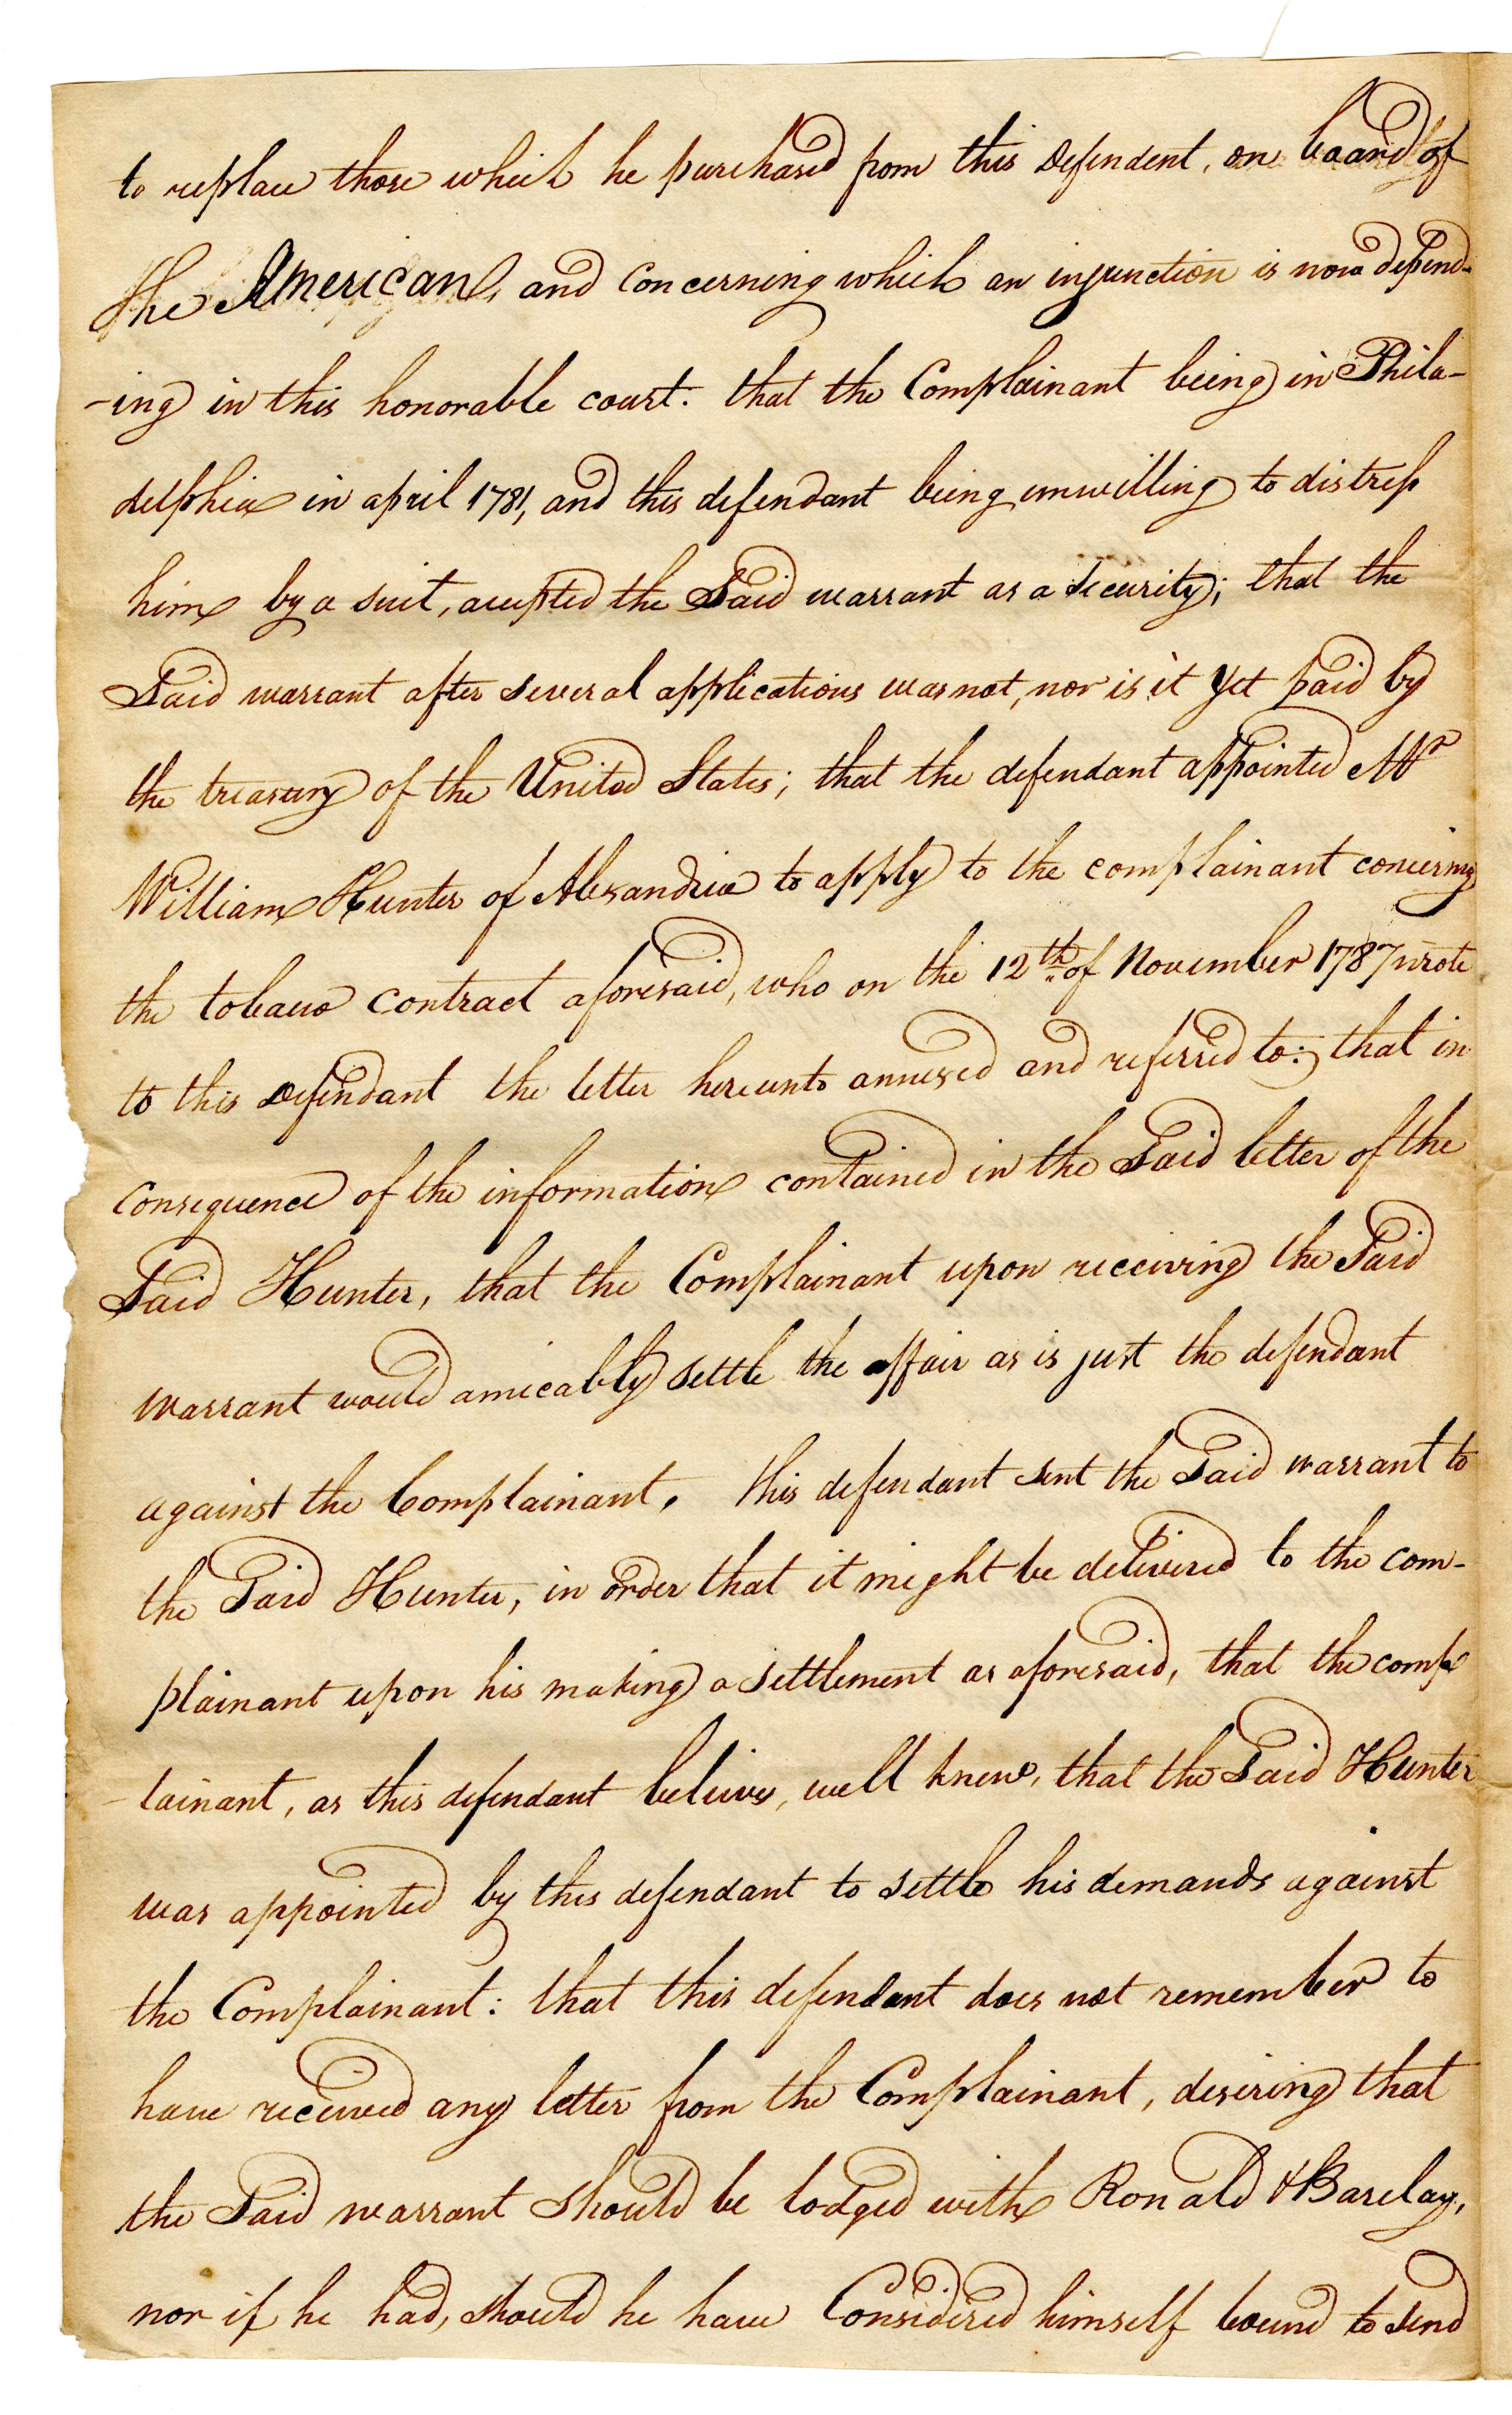to replace those which he purchased from this Defendant on board of
the American, and concerning which an injunction is now depend-
-ing in this honorable court: that the Complainant being in Phila-
-delphia in april 1781, and this defendant being unwilling to distress
him by a suit accepted the said warrant as a security; that the
Said warrant after several applications was not, nor is it yet paid by
the treasury of the United States; that the defendant appointed M^r
William Hunter of Alexandria to apply to the complainant concerning
the tobacco contract aforesaid, who on the 12^th. of November 1787 wrote
to the defendant the letter hereunto annexed and referred to: that in
Consequence of the information contained in the said letter of the
Said Hunter, that the Complainant upon receiving the Said
warrant would amiably settle the affair as is just the defendant
against the Complainant, this defendant Sent the said warrant to
the said Hunter, in order that it might be delivered to the com-
-plainant upon his making a settlement as aforesaid, that the comp-
-lainant, as this defendant believes, will know that the said Hunter
was appointed by this defendant to settle his demands against
the Complainant: that this defendant does not remember to
have received any letter from the Complainant, desiring that
the said warrant should be lodged with Ronald^ Barclay.
nor if he had should he have Considered himself bound to send